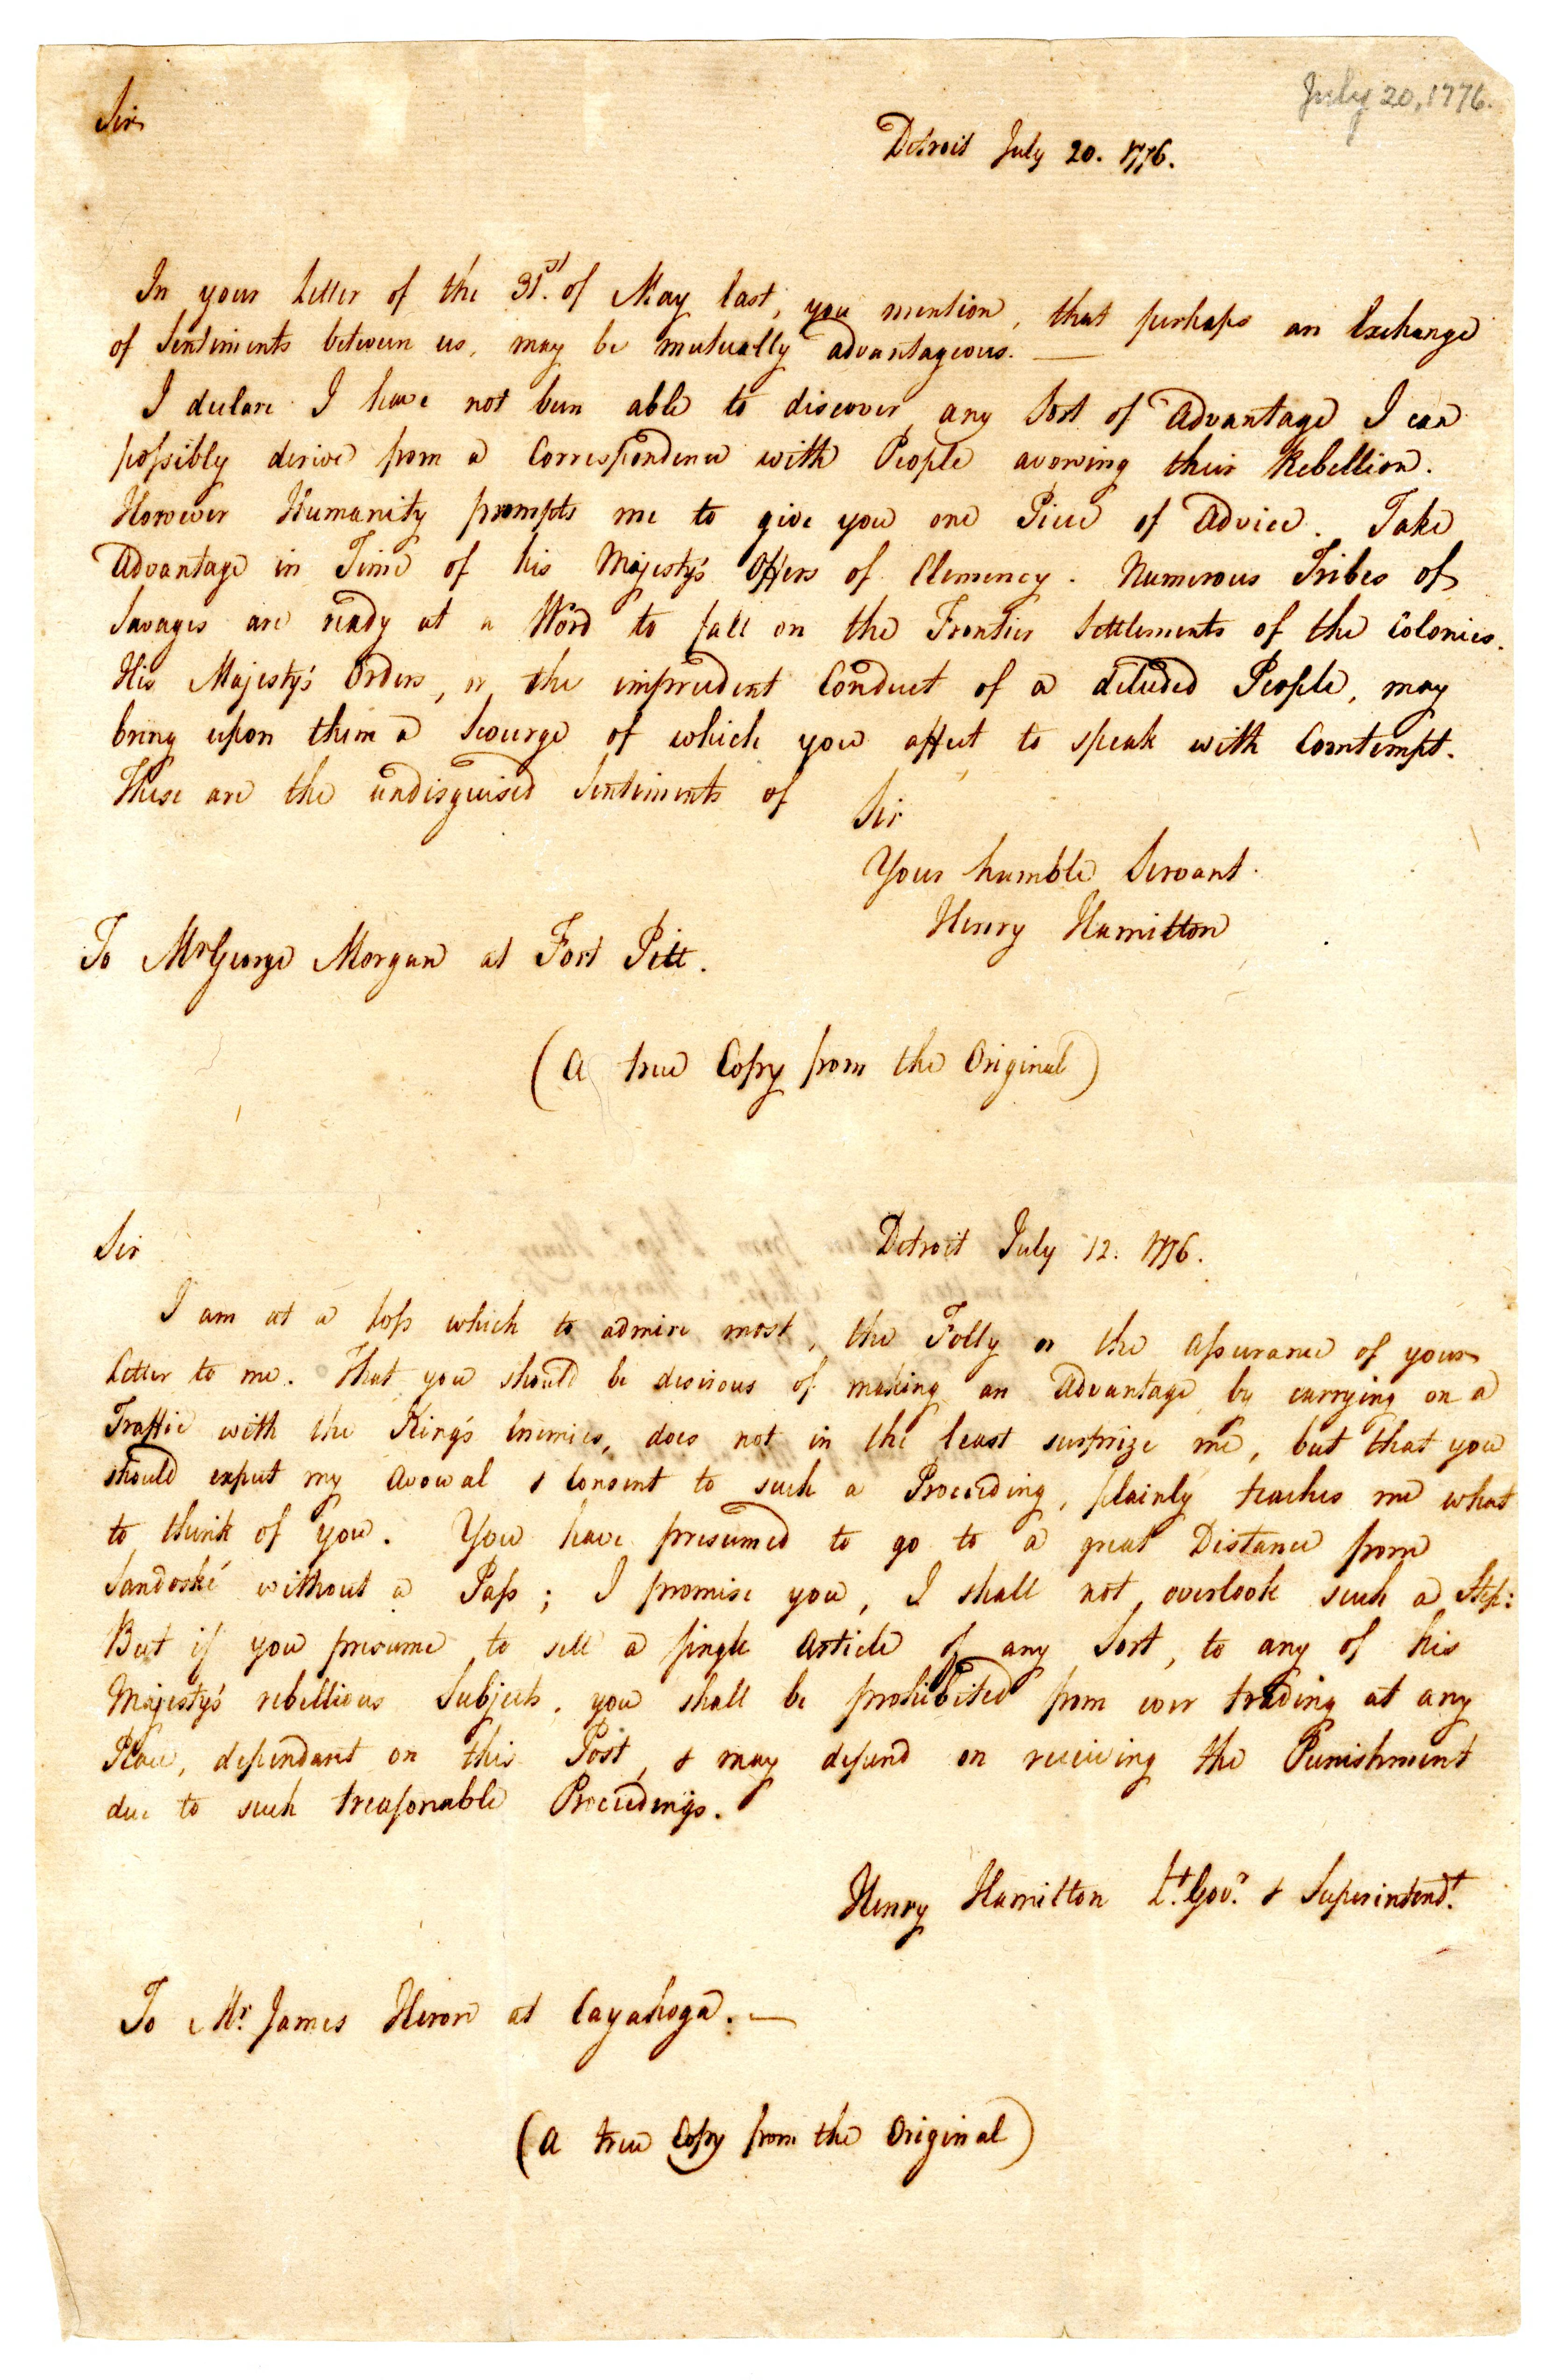Detroit July 20. 1776.
Sir
In your Letter of the 31^st. of May last, you mention, that perhaps an Exchange
of Sentiments between us, may be mutually advantagious.
I declare I have not been able to discover any Sort of advantage I can
possibly derive from a Correspondence with People avowing their Rebellion.
However Humanity prompts me to give you one Piece of Advice. Take
advantage in Time of his Majesty's Offers of Clemency. Numerous Tribes of
Savages are ready at a Word to fall on the Frontier Settlements of the Colonies.
His Majesty's Orders, in the imprudent Conduct of a deluded People, may
bring upon them a Scourge of which you affect to speak with Contempt.
These are the undisguised Sentiments of
Sir
Your humble Servant.
Henry Hamilton
To Mr George Morgan at Fort Pitt.
(A true Copy from the Original)
Detroit July 12. 1776.
Sir
I am at a loss which to admire most, the Folly or the assurance of your
Letter to me. That you should be desirous of making an advantage by carrying on a
Traffic with the King's Enemies, does not in the least surprize me, but that you
should expect my avowal & Consent to such a Proceeding, plainly teaches me what
to think of you. You have presumed to go to a great Distance from
Sanduské without a Pass; I promise you, I shall not overlook such a Step:
But if you presume, to sell a single Article of any Sort, to any of his
Majesty's rebellious Subjects you shall be prohibited from war trading at any
Place, dependant on this Post, & may depend on receiving the Punishment
due to such treasonable Procedings.
Henry Hamilton L^t. Gov^r. & Suprintend^t.
To M^r. James Heron at Cayahoga:-
(a true copy from the Original)